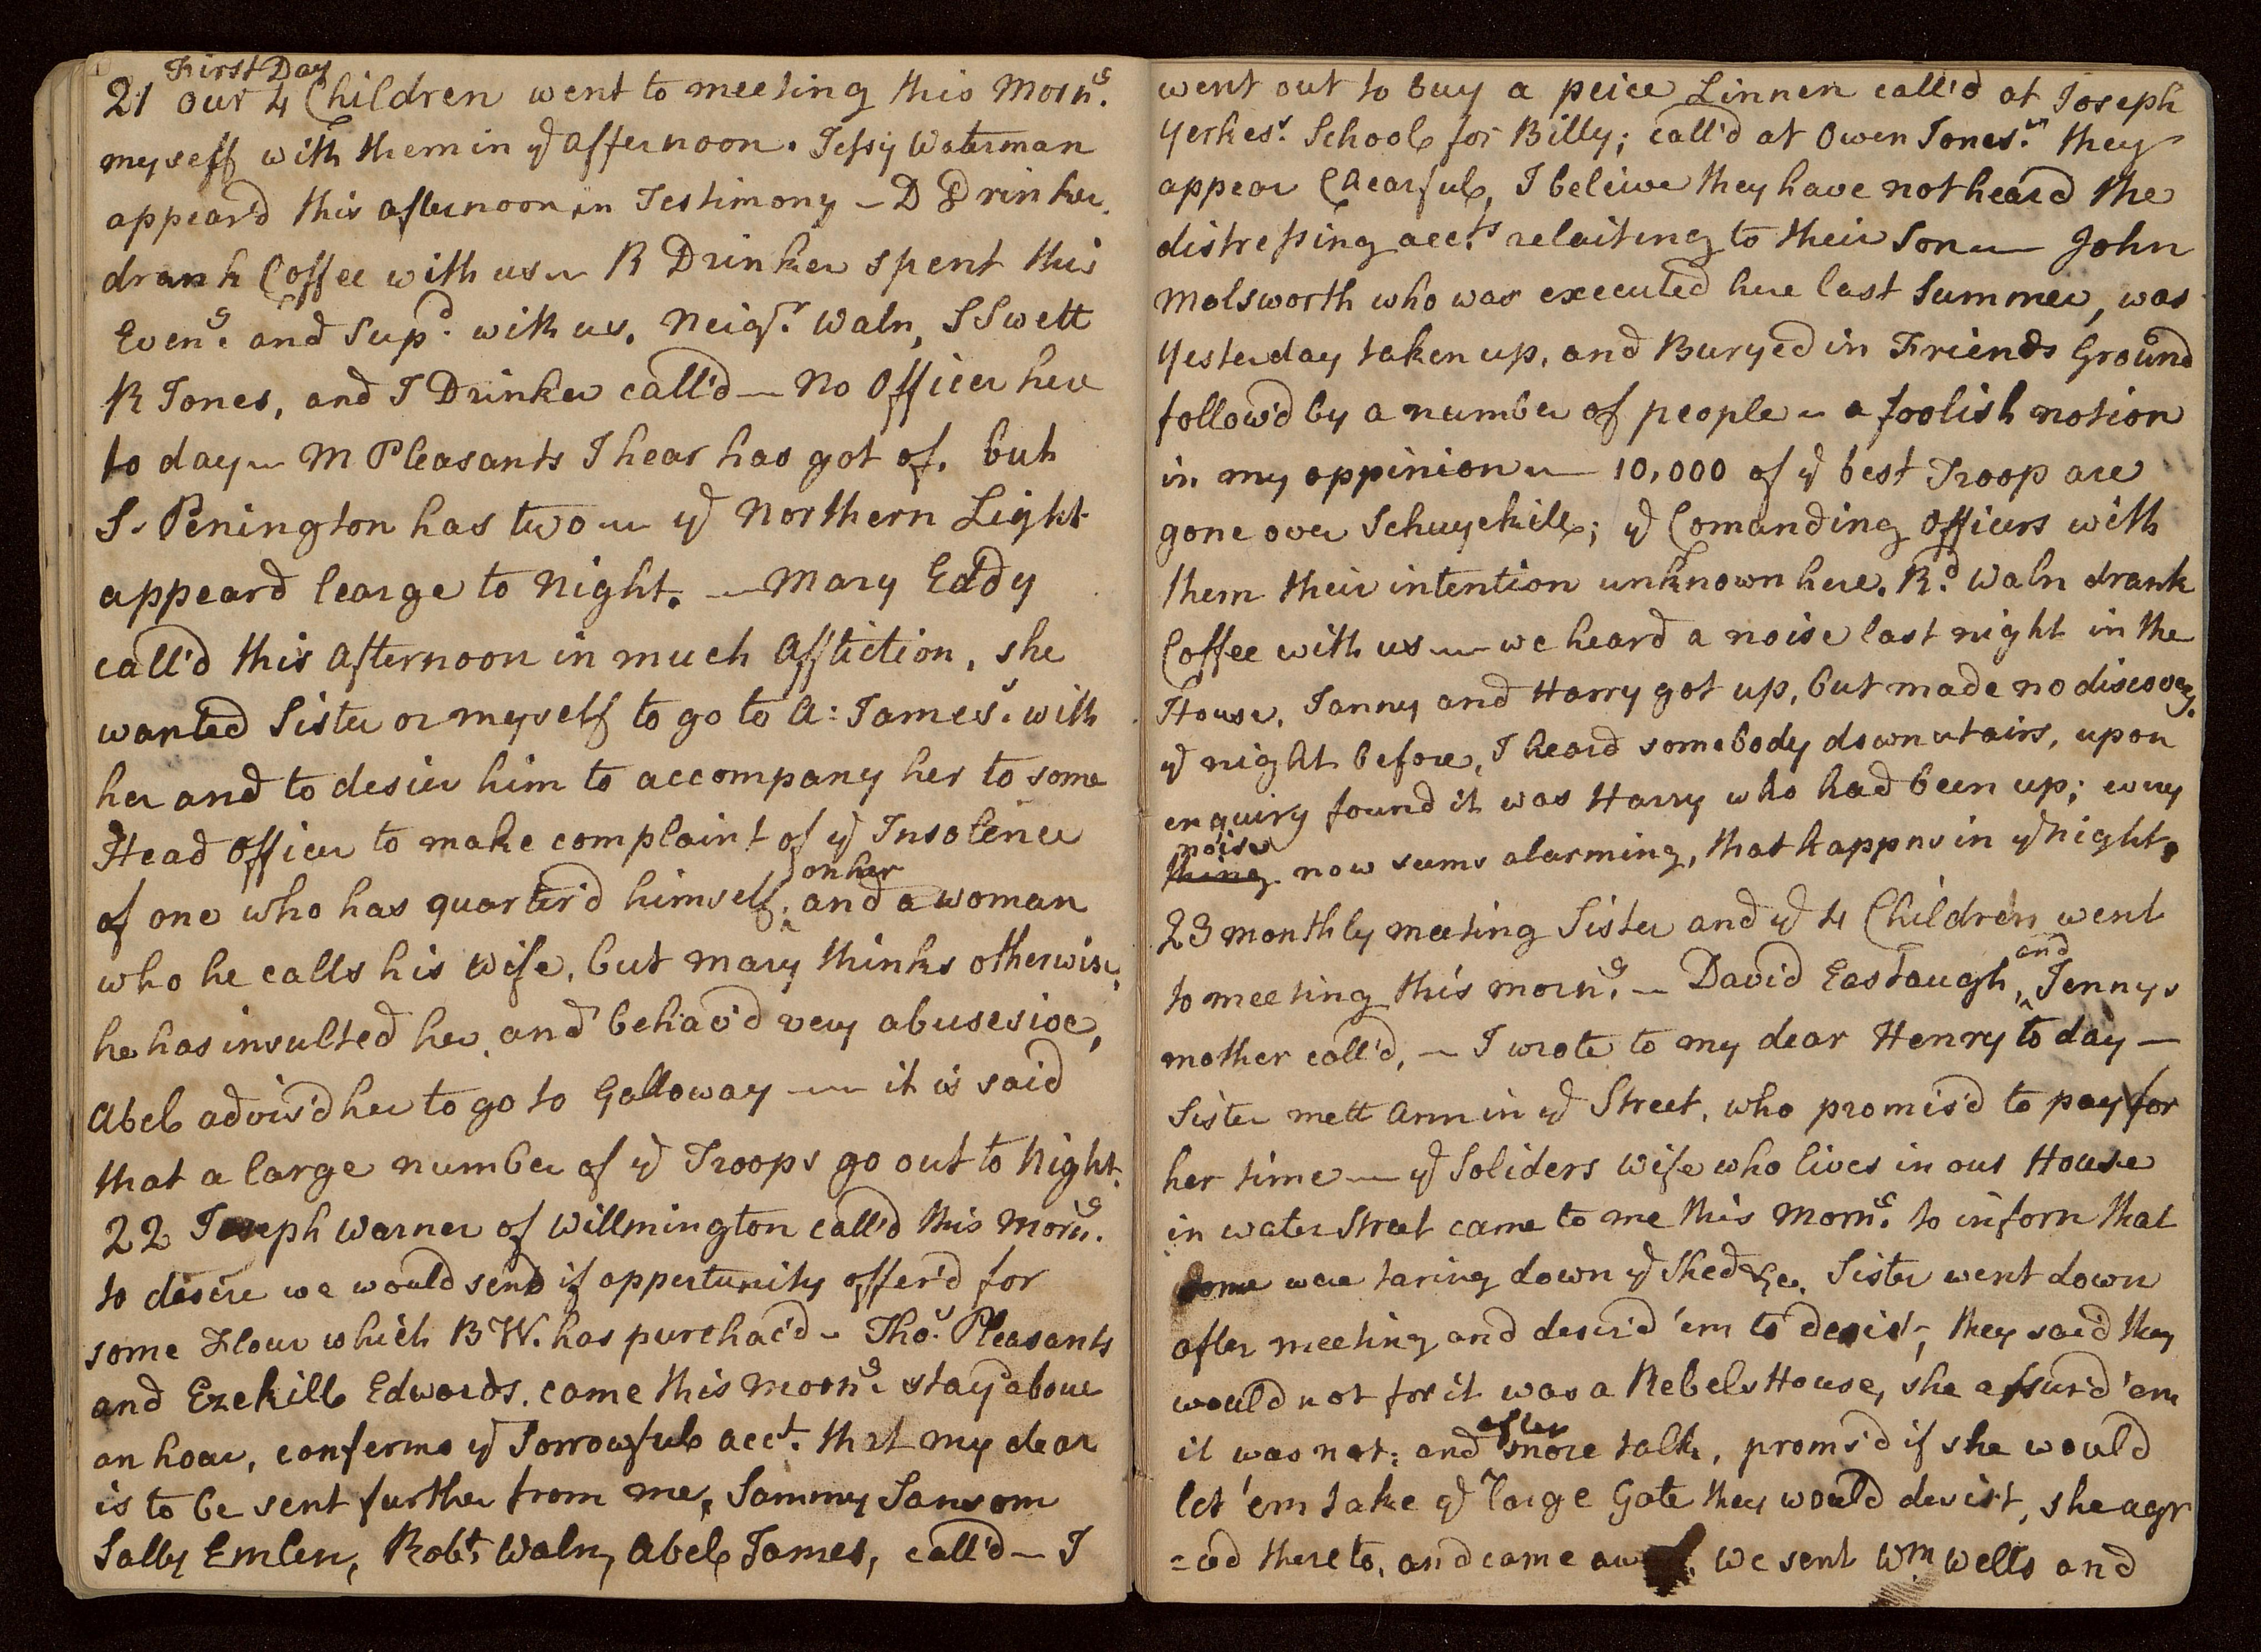First Day
21 our 4 Children went to meeting this Mor^g.
myseff with them in y^e afternoon. Jessy Waterman
appear'd this afternoon in Testimony- D Drinker
drank Coffee with us- R Drinker spent this
Even^g. and sup^d. with as, Neigh^r. Waln, S Swett
R Jones, and I Drinker call'd- No Officer here
to day- M Pleasants I hear has got of, but
S. Penington has two - y^e Northern Light
appeard learge to Night.- Mary Eddy
call'd this Afternoon in much Afftection, she
wanted Sister or myself to go to A: James^s. with
her and to desire him to accompany her to some
Head Officer to make complaint of y^e Insolence
on her
of one who has quarter'd himself, ^ and a woman
who he calls his wife, but Mary thinks otherwise,
he has insulted her, and behav'd very abusesive,
Abel advis'd her to go to Galloway - it is said
that a large number of y^e Troops go out to Night.
22 Joseph Warner of Willmington call'd this Morn^g.
to desire we would send if oppertunity offer'd for
some Flour which B W. has purchac'd- Tho^s. Pleasents
and Ezekill Edwards came this Morn^g. stay^d aboue
on hour, conferms y^e Sorrowful acc^t. that my dear
is to be sent further from me, Sammy Sansom
Sally Emlen, Rob^t. Waln, Abel Jones, call'd- I
went out to buy a peice Linnen call'd at Joseph
Yorkes^s. School for Billy; call'd at Owen Jones^s they
appear Chearful, I beleive they have not heard the
distressing acc^ts. relaiting to their Son- John
Molsworth who was executed here last Summer, was
Yesterday taken up, and Buryed in Friends Ground
follow'd by a number of people - a foolish notion
in my appinienn 10,000 af yf best Troop are
gone over Schuyckill; y^e Comanding Officers with
them their intention unknown here. R^d. Waln drank
Coffee with us- we heard a noise last night in the
House, Sanny and Harry got up, but made no discovery.
y^e night before, I heard some body downstairs, upon
enquiry found it was Harry who had been up; every
noise
[thing] now seems alarming, that happns in y^e night.
23 monthly meeting Sister and y^e 4 Children went
and
to meeting this morn^g.- David Eastaugh, ^ Jennys
mother call'd,- I wrote to my dear Henry to day-
Sister mett Arm in y^e Street, who promis'd to pay for
her time- y^e Soliders Wife who lives in our House
in Water Street came to me this Morn^g. to inforn that
[some] were taring down y^e Shed & c. Sister went down
after meeting and desir'd 'em to de[s]irt- they said they
would not for it was a Rebels House, she assur'd 'em
after
it was not; and ^ more talk, proms'd if she would
let 'em take y^e large Gate they would desirt, she agr
-eed there to, and came aw[__] We sent W^m. Wells and